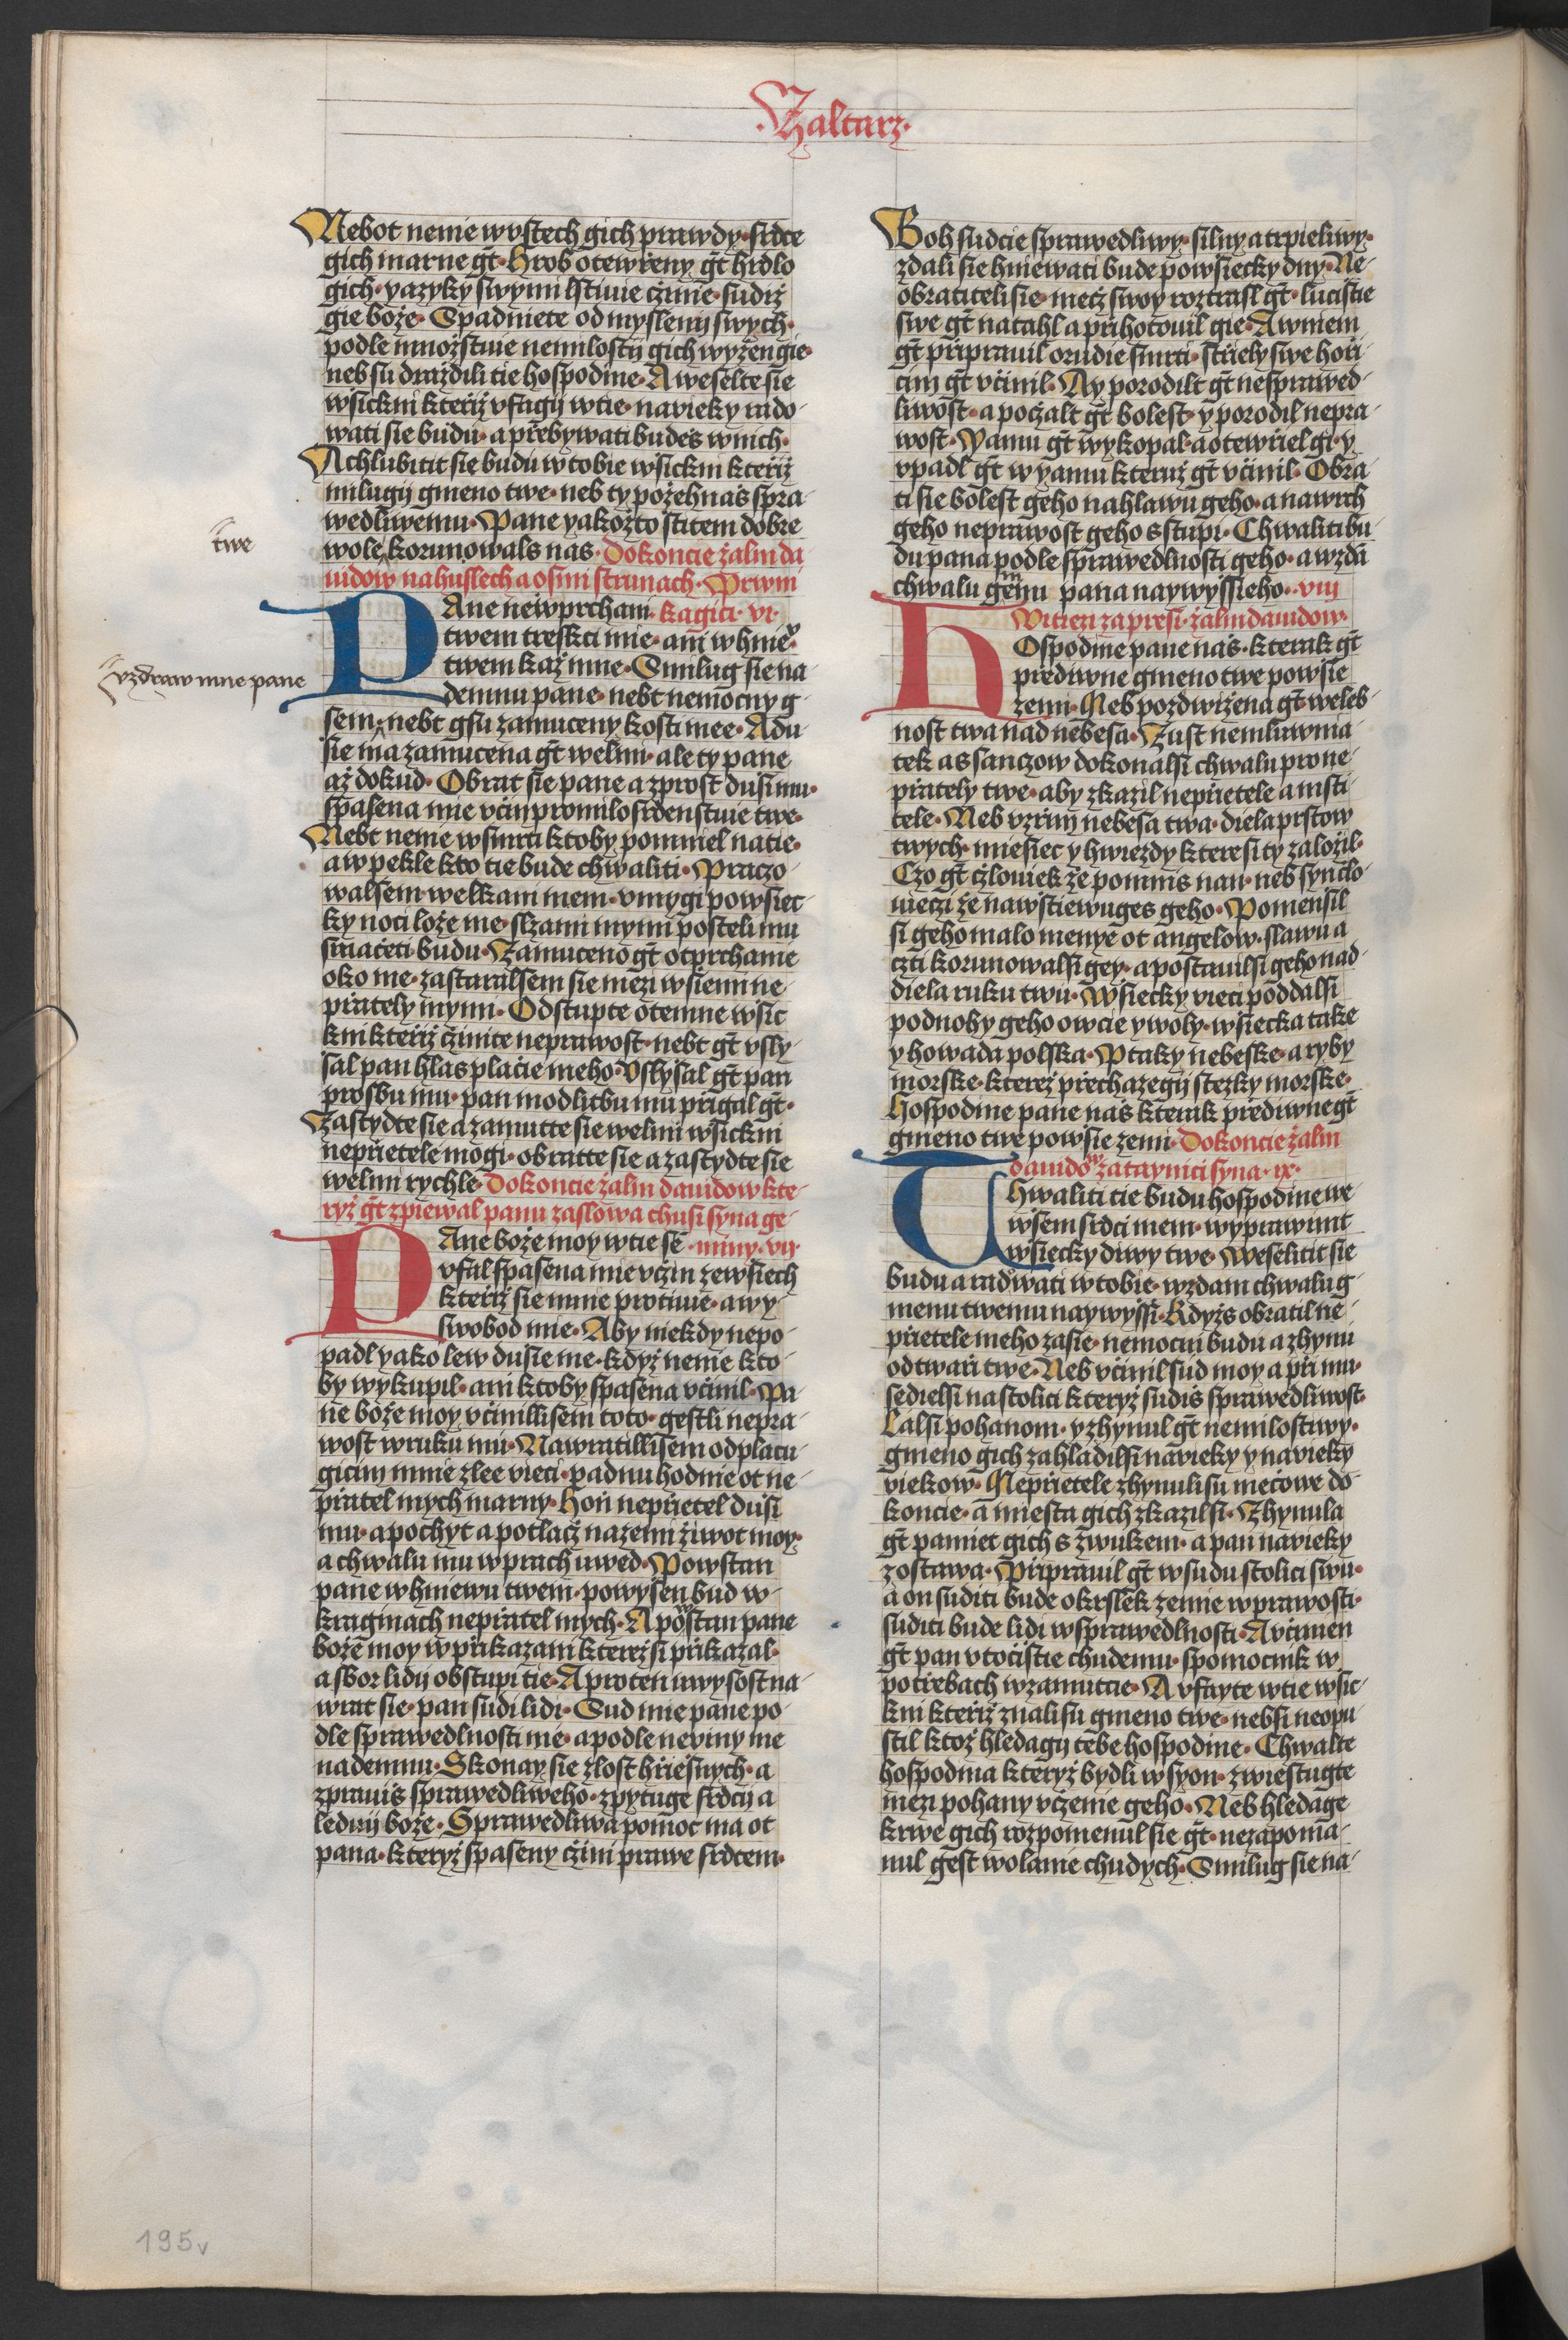Nebot nenie wvſtech gich prawdy.ſrdce
gich marne ḡt.Hrob otewṙeny ḡt hrdlo
gich.yazyky ſwymi lſtivie cżinie.ſudiż
gie boże.Spadniete od myſlenij ſwych.
podle mnożſtvíe nemiloſtij gich wyżen gie.
neb ſu drażdili tie hoſpodine.A weſelte ſie
wẛickni kteṙiż ufagij wtie.navieky rado¬
wati ſie budu.a pṙebywati budeš wnich.
A chlubitit ſie budú w tobie wẛickni kteṙíż
milugij gmeno twe.neb ty pożehnaṡ ſpra¬
wedliwemu.Pane yakożto ẛtitem dobre
wole korunowals nas.Dokoncie żalm da¬
vidow na huſlech a oſmi strunach.Prwní
Ane newprchaní.kagíci.vi.
twem treſtzci mie.ani whniev.
twem każ mne.Smilug ſie na¬
demnu pane.nebt nemocny g¬
ſem.nebt gſu zarmuceny koſti mee.Adu¬
ẛie ma zarmucena ḡt welmi.ale ty pane
aż dokud.Obrat ſie pane a zproſt duẛi mu.
ſpalena mie uċini promiloſrdenſtvie twe.
Nebt nenie wſmrti ktoby pomniel natie.
a w pekle kto tie bude chwaliti.Praczo
walſem.welkani mem.umygi powſiet¬
ky noci loże me.ſlzami mymi poſteli mu
ſmaċeti budu.Zarmuceno ḡt otprchanie
oko me.zaſtaralſem ſie mezi wẛiemi ne¬
pṙately mymi.Odſtupte otemne wẛic¬
kni kteṙiż cżinite neprawoſt.nebt ḡt vſly¬
ẛal pan hlas plaċie meho.Uſlyſal ḡt pan
proſbu mu.pan modlitbu mu pṙigal ḡt.
Zaſtydte ſie a zarmutte ſie welmi wẛickni
nepṙietelé mogi.obratte ſie a zaſtydte ſie
welmi rychle.Dokoncíe żalm davidow kte¬
ryž ḡt zpiewal panu zaſlowa chuſiſyna ge¬
Ane boże moy wtie ſe.miny.vij.
uſal ſpaſena mie ucżin zewẛiech
kteṙiż ſie mnie protivie.a wy¬
ſwobod mie.Aby niekdy nepo¬
padl yako lew duẛie me.kdyż nenie kto¬
by wykupil.ani ktoby ſpaſena uċinil.Pa¬
ne boże moy uċinilliſem toto.geſtli nepra¬
woſt wruku mú.Nawratilliſem odplacu¬
gícím mnie zlee vieci.padnu hodnie ot ne¬
pṙatel mych marny.Hoṙi nepṙietel duẛi
mu.a pochyt a potlacż nazemi żiwot moy.
a chwalu mu w prach uwed.Powſtan
pane whniíewu twem.powyẛen bud w¬
kraginach nepṙatel mych.A powſtan pane
boże moy w pṙikazani ktereż ſi pṙikazal.
a ſbor lidij obſtupi tie.A pro ten uwyſoſt na¬
wrat ſie.pan ſudí lidi.Bud mie pane po¬
dle ſprawedlnoſti mé.a podle neviny me
nade mnu.Skonay ſie zloſt hřieẛnych.a
zpravíṡ ſprawedliweho.zpytuge ſrdcij a
ledvij boṡe.Sprawedliwa pomoc ma ot¬
pana.kteryṡ ſpaſeny cṡiní prawe ſrdcem.
.Zaltarz.
Boh ſudcie ſprawedliwy.ſilny a trpieliwy.
zdali ſie hniewati bude powẛiecky dny.Ne¬
obratiteli ſie.mecż ſwoy roztraſl ḡt.luciẛtie
ſwe ḡt natahl a pṙihotovil gie.A wniem
ḡt pripravil ozudie ſmrti.ſtṙiely ſwe hoṙí¬
cím ḡt uċinil.Ay porodilt ḡt neſprawed¬
liwoſt.a pocċalt ḡt boleſt.y porodil nepra¬
woſt.Yanu ḡt wykopal.a otewṙiel gi.y
upadl ḡt w yamu kteruż ḡt uċinil.Obra¬
ti ſie boleſt gelo nahlawu geho.a nawrch
geho neprawoſt geho sſtupí.Chwaliti bu¬
du pana podle ſprawedlnoſti geho.a wzdā
chwalu gmenu pana naywyẛſieho..viij
Vitiezi zapreſi.żalm davidow.
Oſpodine pane naṡ.kterak ḡt
pṙediwne gmeno twe powẛie
zemi.Neb pozdwiżena ḡt weleb¬
noſt twa nad nebeſa.Zuſt nemluwnia¬
tek a sſanczow dokonalſi chwalu pro ne¬
pṙately twe.aby zkazil nepṙietele a mſti¬
tele.Neb uzṙim nebeſa twa.diela prſtow
twych.mieſiec y hwiezdy ktere ſi ty zalożil.
Czo ḡt cżloviek že pomnis nan.neb ſyn clo¬
vieczí że nawẛtiewuges geho.Pomenẛil
ſi geho malo menye ot angelow.ſlawu a
cztí korunowalſi gey.a poſtavilſi geho nad¬
diela ruku twu.Wẛíecky vieci poddalſi
podnohy gelo owcie y woly.wẛiecko take
y howada polſka.Ptaky nebeſke.a ryby
morſke.ktereż pṙechazegij ſtezky morſke.
Hoſpodine pane naṡ kterak pṙediwne ḡt
gmeno twe powẛie zemi.Dokoncie żalm
davidow. zatayníci ſyna.ix.
Hwaliti tie budu hospodie we
wẛem ſrdci mem.wyprawímt
wẛiecky diwy twe.Weſelitit ſie
budu a radowati w tobie.wzdam chwalu g¬
menu twemu naywyẛẛi.Kdyżs obratil ne¬
pṙietele meho zaſie.nemocni budu a zhynu
odtwaṙi twe.Neb uċinil ſúd moy a pṙi mu.
ſedielſi na ſtolici kteryż ſudiṡ ſprawedliwoſt.
Lalſi pohanom.y zhynul ḡt nemiloſtiwy.
gmeno gich zahladilſi navieky y navieky
viekow.Nepṙietele zhynuliſu meċowe do¬
koncie.a mieſta gich zkazil ſi.Zhynula
ḡt pamiet gich s zwukem.a pan navieky
zoſtawa.Pṙipravil ḡt w ſudu ſtolici ſwu.
a on ſuditi bude okrſlek zemie wprawoſti.
ſuditi bude lidi wſprawedlnoſti.A uċinien
ḡt pan utoċiẛtie chudemu.ſpomocník w
potṙebach wzarmutcie.A ufayte wtie wẛie¬
kni kteṙiż znaliſu gmeno twe.nebſi neopu¬
ſtil ktož hledagij tebe hoſpodine.Chwalte
hoſpodina kteryż bydli w ſyon.zwieſtugte
mezi pohany ucżenie geho.Neb hledage
krwe gich rozpomenul ſie ḡt.nezapoma¬
nul geſt wolanie chudych.Smilug ſie na¬